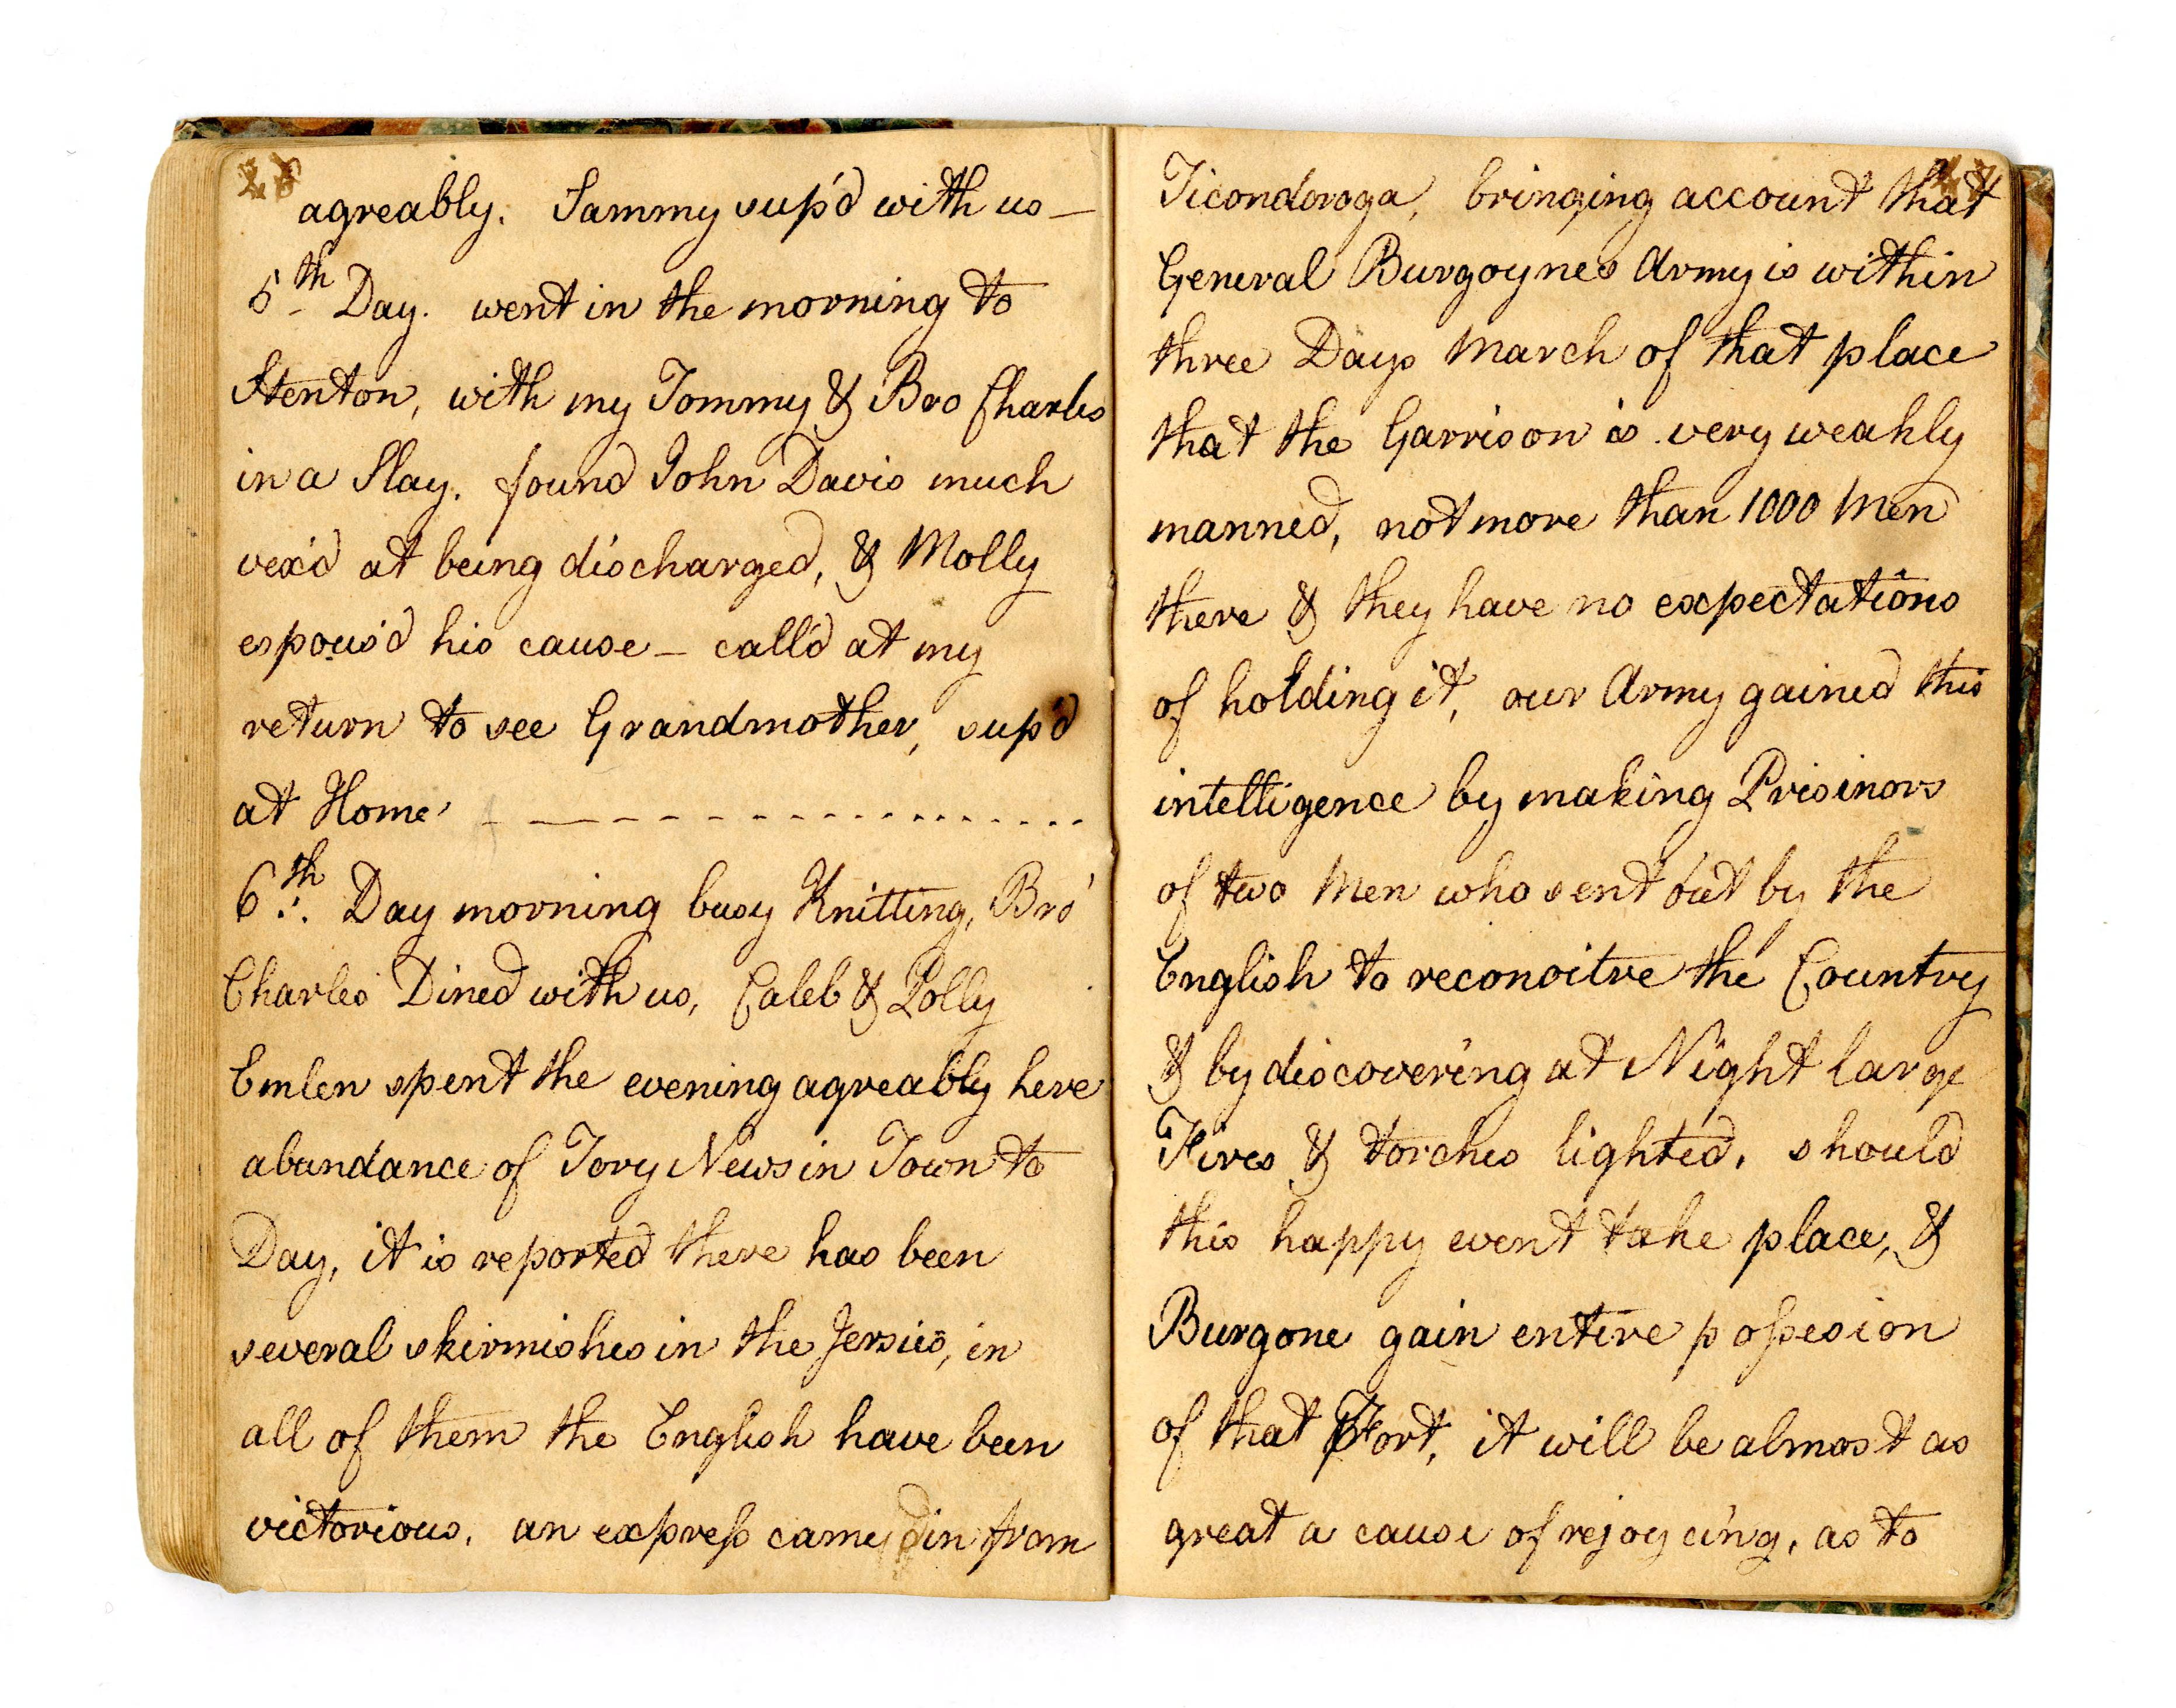agreably. Sammy sup'd with us -
5^th Day. went in the morning to
Stenton, with my Tommy & Bro Charles
in a Slay. found John Davis much
vex'd at being discharged, & Molly
espous'd his cause- call'd at my
return to see Grandmother, sup'd
at Home -
6^th Day morning busy Knitting, Bro'
Charles Dined with us, Caleb & Polly
Emlen spent the evening agreably here
abundance of Tory News in Town to
Day, it is reported there has been
several skirmishes in the Jersies, in
all of them the English have been
victorious, an express came din from
Ticondoroga, bringing account that
General Burgoynes Army is within
three Days March of that place
that the Garrison is very weakly
manned, not more than 1000 Men
there & they have no expectations
of holding it, our Army gained this
intelligence by making Prisinors
of two Men who sent out by the
English to reconoitre the Country
& by discovering at Night large
Fires & torches lighted, should
this happy event take place &
Burgone gain entire possesion
of that Fort, it will be almost as
great a cause of rejoycing, as to